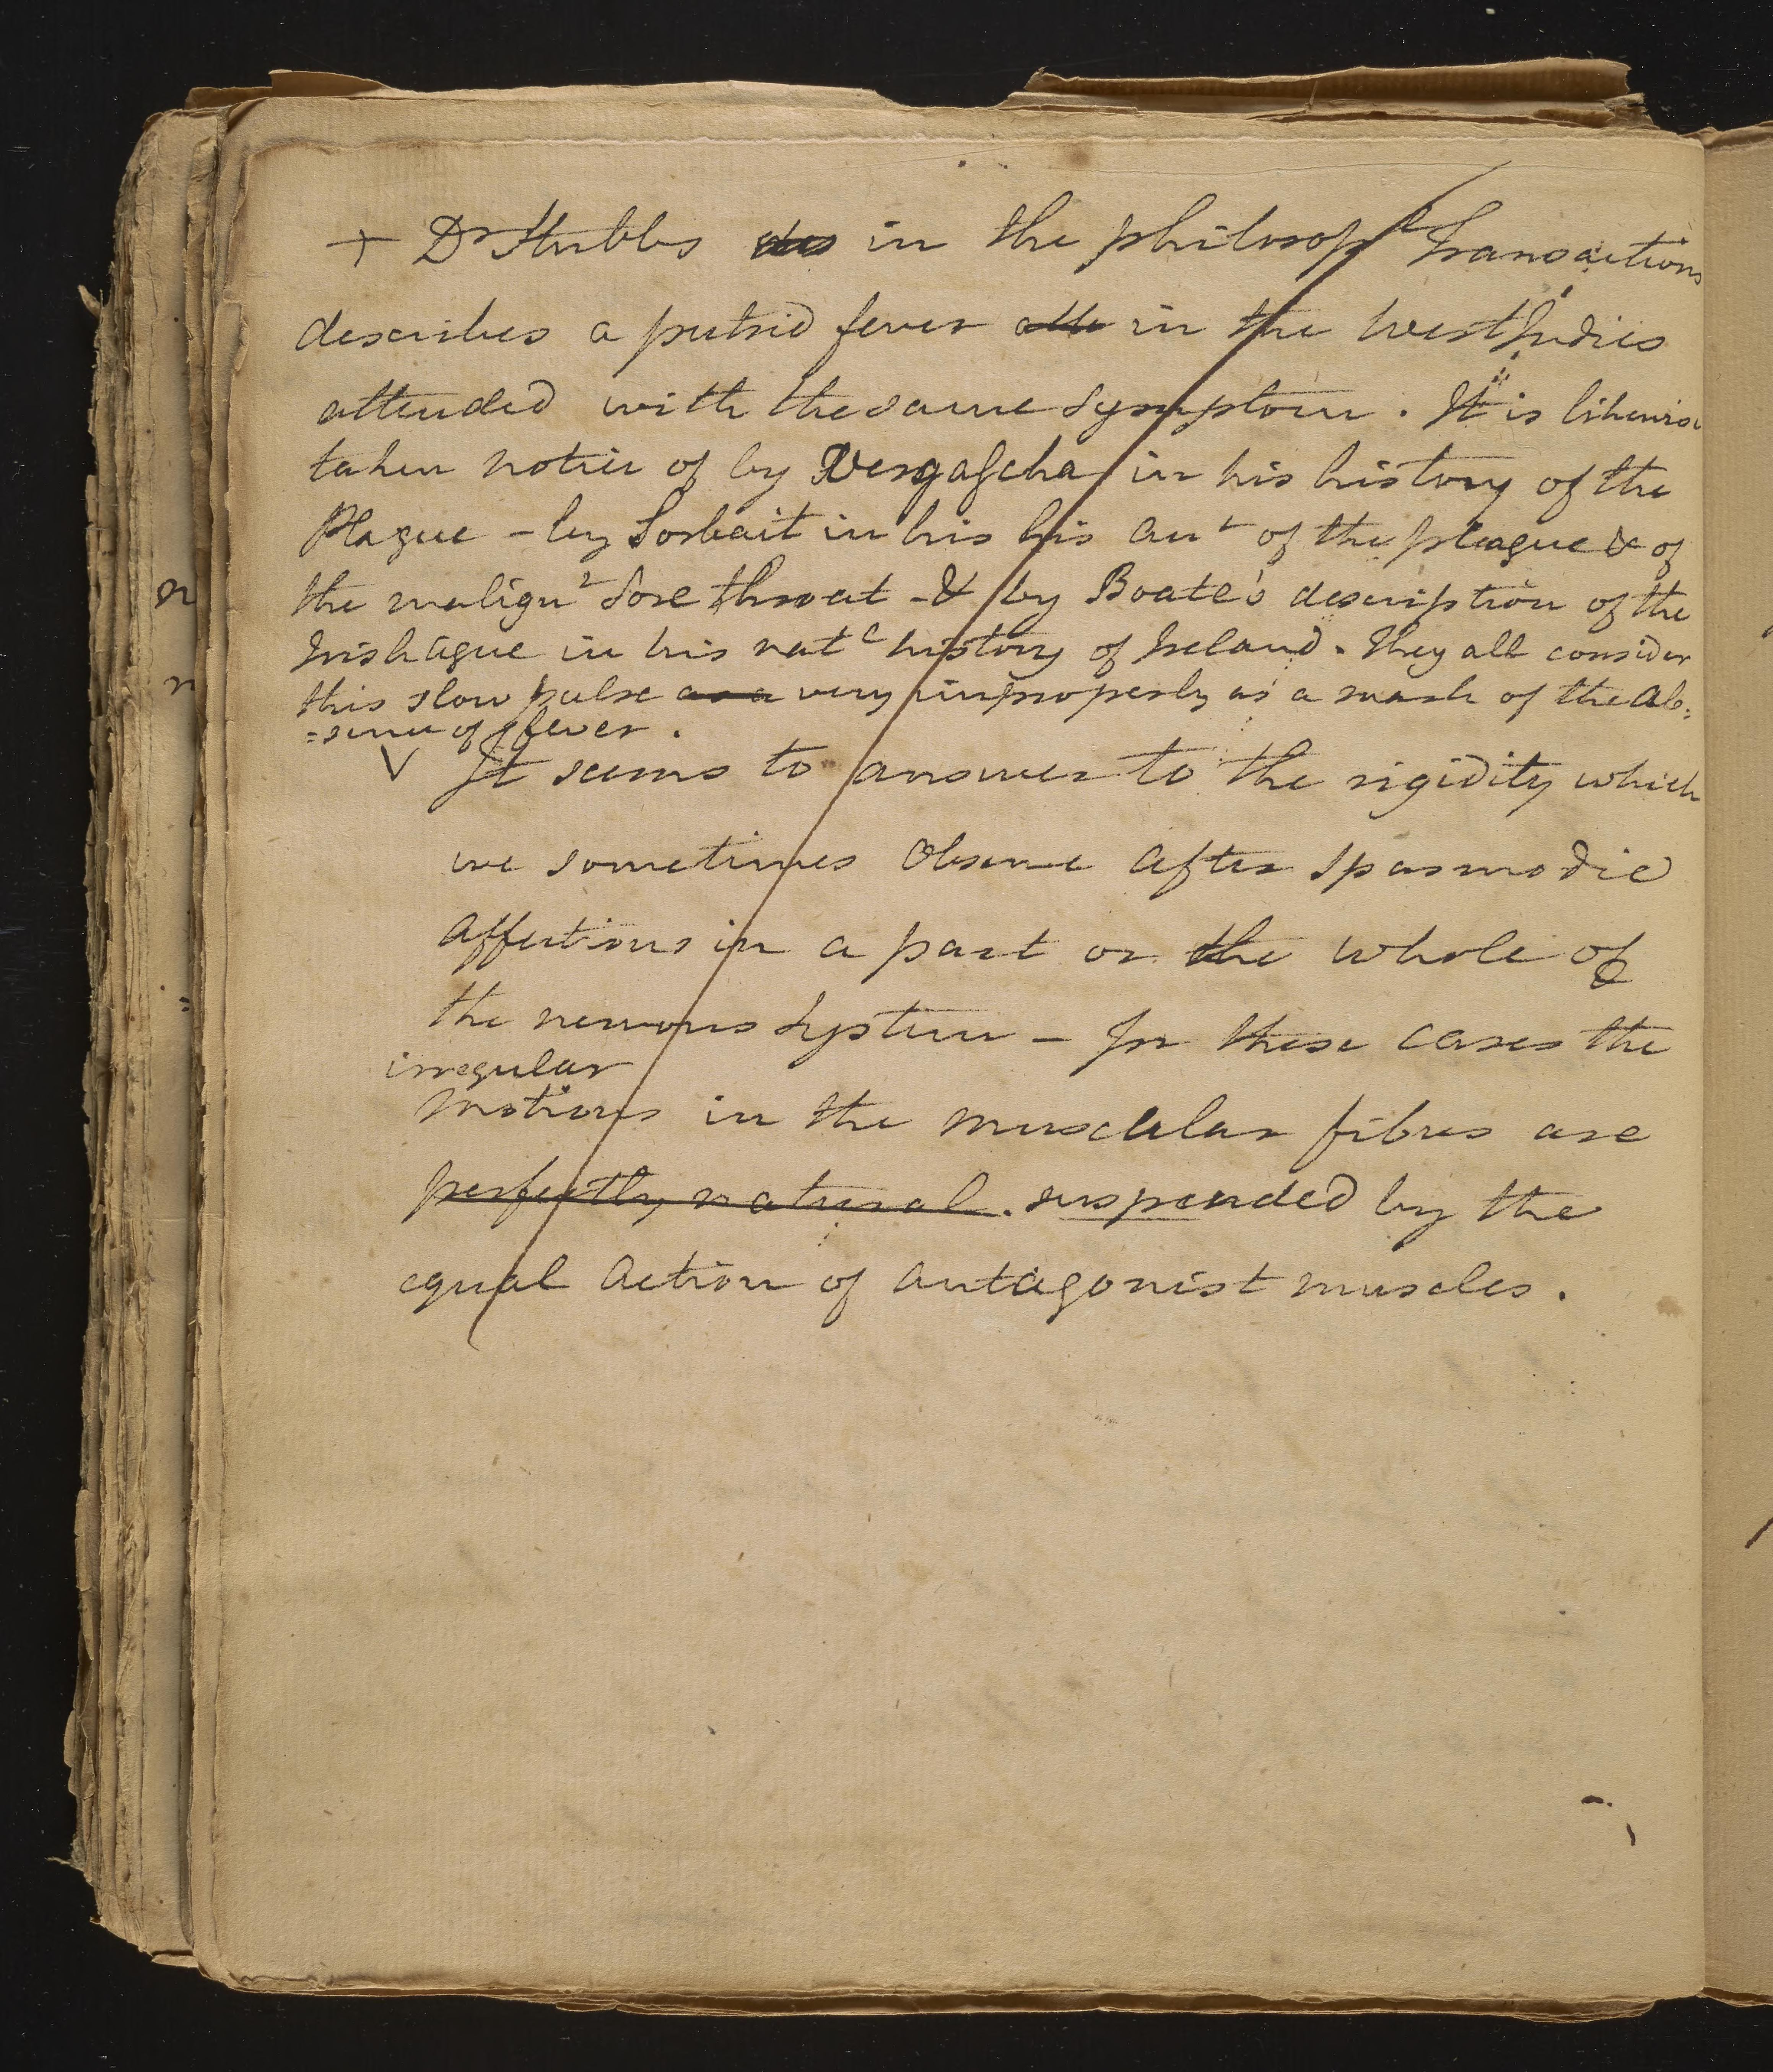+ D^r Hubbs [__] in the philosoph^l Transactions
describes a putrid fever [all] in the West Indies
attended with the same symptom. It is likewise
taken notris of by Vengascha in his history of the
Plague- by Sorbait in his Air^t of the plague & of
the malign^t Sore throat, & by Boate's description of the
Irish ague in his nat^l history of Ireland. They all consider
this slow pulse very improperly as a mask of the ab-
sence of fever.
V It seems to answer to the rigidity which
we sometimes observe after Spasmodic
affections in a part or the whole of
the nervous system, In these cases the
irregular
motions in the muscular fibres are
[perfectly natural]. suspended by the
equal action of antagonist muscles